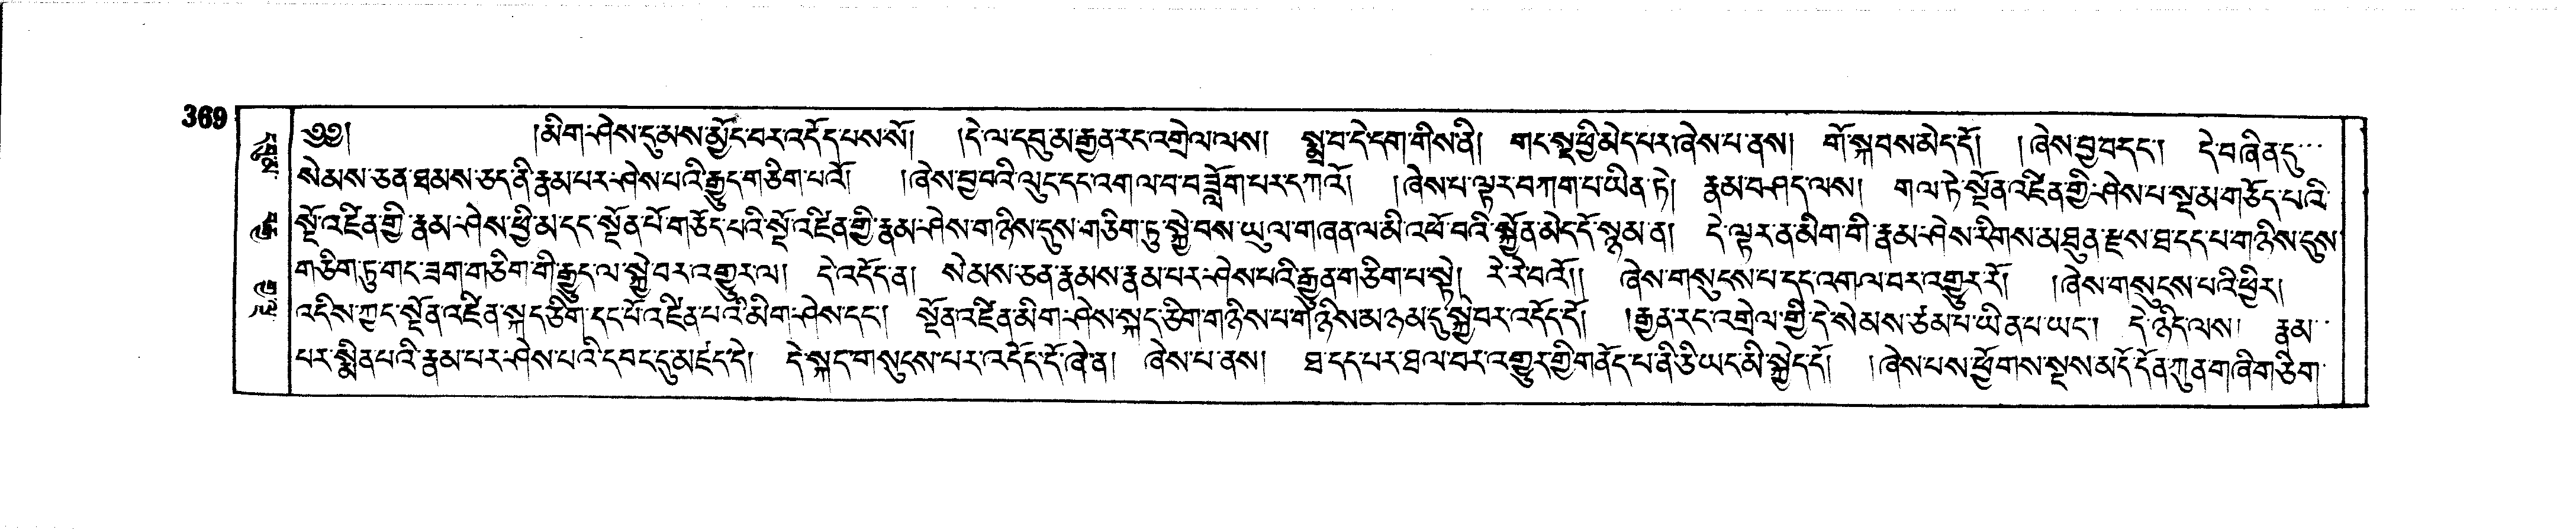༄༅། །མིག་ཤེས་དུ་མས་མྱོང་བར་འདོད་པས་སོ། །དེ་ལ་དབུ་མ་རྒྱན་རང་འགྲེལ་ལས། སྨྲ་བ་དེ་དག་གིས་ནི། གང་སྔ་ཕྱི་མེད་པར་ཞེས་པ་ནས། གོ་སྐབས་མེད་དོ། །ཞེས་བྱ་བ་དང་། དེ་བཞིན་དུ་
སེམས་ཅན་ཐམས་ཅད་ནི་རྣམ་པར་ཤེས་པའི་རྒྱུད་གཅིག་པའོ། །ཞེས་བྱ་བའི་ལུང་དང་འགལ་བ་བཟློག་པར་དཀའོ། །ཞེས་པ་ལྟར་བཀག་པ་ཡིན་ཏེ། རྣམ་བཤད་ལས། གལ་ཏེ་སྔོན་འཛིན་གྱི་ཤེས་པ་སྔ་མ་གཅོད་པའི་
སྔོ་འཛིན་གྱི་རྣམ་ཤེས་ཕྱི་མ་དང་སྔོན་པོ་གཅོད་པའི་སྔོ་འཛིན་གྱི་རྣམ་ཤེས་གཉིས་དུས་གཅིག་ཏུ་སྐྱེ་བས་ཡུལ་གཞན་ལ་མི་འཕོ་བའི་སྐྱོན་མེད་དོ་སྙམ་ན། དེ་ལྟར་ན་མིག་གི་རྣམ་ཤེས་རིགས་མཐུན་རྫས་ཐ་དད་པ་གཉིས་དུས་
གཅིག་ཏུ་གང་ཟག་གཅིག་གི་རྒྱུད་ལ་སྐྱེ་བར་འགྱུར་ལ། དེ་འདོད་ན། སེམས་ཅན་རྣམས་རྣམ་པར་ཤེས་པའི་རྒྱུན་གཅིག་པ་སྟེ། རེ་རེ་བའོ།། ཞེས་གསུངས་པ་དང་འགལ་བར་འགྱུར་རོ། །ཞེས་གསུངས་པའི་ཕྱིར།
འདིས་ཀྱང་སྔོན་འཛིན་སྐད་ཅིག་དང་པོ་འཛིན་པའི་མིག་ཤེས་དང་། སྔོན་འཛིན་མིག་ཤེས་སྐད་ཅིག་གཉིས་པ་གཉིས་མཉམ་དུ་སྐྱེ་བར་འདོད་དོ། །རྒྱན་རང་འགྲེལ་གྱི་དེ་སེམས་ཙམ་པ་ཡིན་པ་ཡང་། དེ་ཉིད་ལས། རྣམ་
པར་སྨིན་པའི་རྣམ་པར་ཤེས་པའི་དབང་དུ་མཛད་དེ། དེ་སྐད་གསུངས་པར་འདོད་དོ་ཞེ་ན། ཞེས་པ་ནས། ཐ་དད་པར་ཐལ་བར་འགྱུར་གྱི་གནོད་པ་ནི་ཅི་ཡང་མི་སྐྱེད་དོ། །ཞེས་པས་ཕྱོགས་སྔས་མདོ་དོན་ཀུན་གཞི་གཅིག་